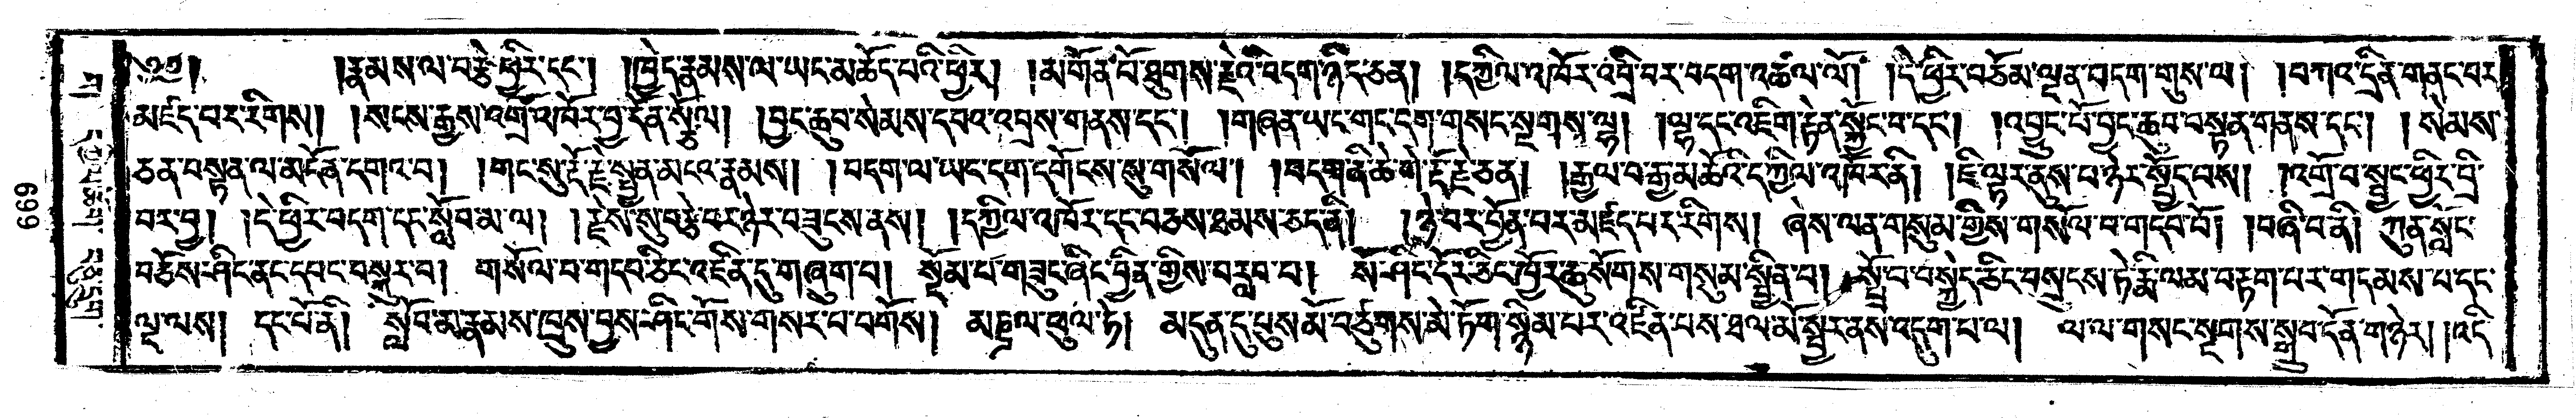༄༅། །རྣམས་ལ་བརྩེ་ཕྱིར་དང་། །ཁྱེད་རྣམས་ལ་ཡང་མཆོད་པའི་ཕྱིར། །མགོན་པོ་ཐུགས་རྗེའི་བདག་ཉིད་ཅན། །དཀྱིལ་འཁོར་འབྲི་བར་བདག་འཚལ་ལོ། །དེ་ཕྱིར་བཅོམ་ལྡན་བདག་གུས་ལ། །བཀའ་དྲིན་གནང་བར་
མཛད་པར་རིགས། །སངས་རྒྱས་འགྲོ་འཁོར་བྱ་དོན་སྩོལ། །བྱང་ཆུབ་སེམས་དཔའ་འབྲས་གནས་དང་། །གཞན་ཡང་གང་དག་གསང་སྔགས་ལྷ། །ལྷ་དང་འཇིག་རྟེན་སྐྱོང་བ་དང་། །འབྱུང་པོ་བྱང་ཆུབ་བསྟན་གནས་དང་། །སེམས་
ཅན་བསྟན་ལ་མངོན་དགའ་བ། །གང་སུ་རྡོ་རྗེ་སྤྱན་མང་རྣམས། །བདག་ལ་ཡང་དག་དགོངས་སུ་གསོལ། །བདག་ནི་ཆེ་གེ་རྡོ་རྗེ་ཅན། །རྒྱལ་བ་རྒྱ་མཚོའི་དཀྱིལ་འཁོར་ནི། །ཇི་ལྟར་ནུས་པ་ཉེར་སྤྱོད་པས། །འགྲོ་བ་སྦྱང་ཕྱིར་པྲི་
བར་བྱ། །དེ་ཕྱིར་བདག་དང་སློབ་མ་ལ། །རྗེས་སུ་བརྩེ་བར་ཉེར་བཟུངས་ནས། །དཀྱིལ་འཁོར་དང་བཅས་ཐམས་ཅད་ནི། །ཉེ་བར་བྱོན་པར་མཛད་པར་རིགས། ཞེས་ལན་གསུམ་གྱིས་གསོལ་བ་གདབ་བོ། །བཞི་པ་ནི། ཀུན་སློང་
བཅོས་ཤིང་ནང་དབང་བསྐུར་བ། གསོལ་བ་གདབ་ཅིང་འཛིན་དུ་གཞུག་པ། སྡོམ་པ་གཟུང་ཞིང་བྱིན་གྱིས་བརླབ་པ། སོ་ཤིང་དོར་ཅིང་ཁྱོར་ཆུ་སོགས་གསུམ་སྦྱིན་པ། སྤྲོ་བ་བསྐྱེད་ཅིང་བསྲུངས་ཏེ་རྨི་ལམ་བརྟག་པར་གདམས་པ་དང་
ལྔ་ལས། དང་པོ་ནི། སློབ་མ་རྣམས་ཁྲུས་བྱས་ཤིང་གོས་གསར་པ་བགོས། མཎྜལ་ཕུལ་ཏེ། མདུན་དུ་པུས་མོ་བཙུགས་མེ་ཏོག་སྙིམ་པར་འཛིན་པས་ཐལ་མོ་སྦྱར་ནས་འདུག་པ་ལ། །ལ་ལ་གསང་སྔགས་སྒྲུབ་དོན་གཉེར། །འདི་